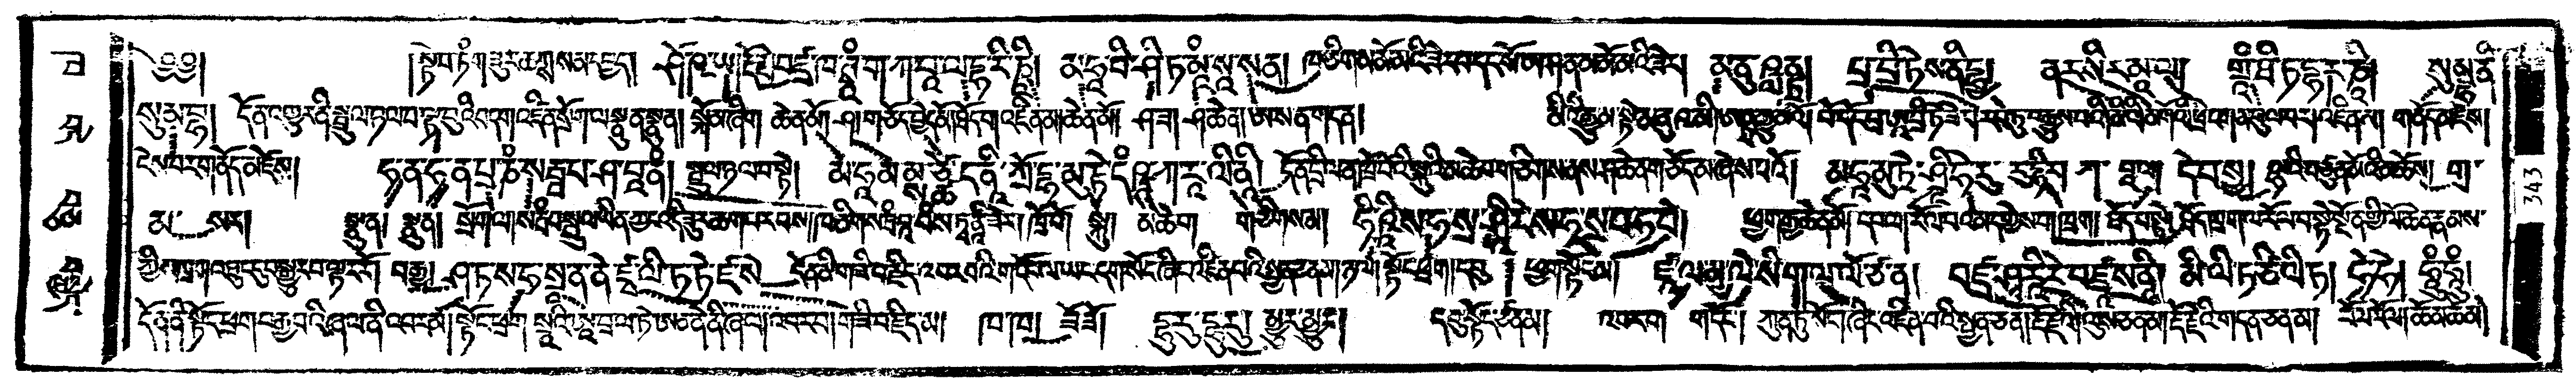༄༅། །སྟེ་བ་ཏཾ་གཟུར་ཆགས་ན་དཔྱད། ཤོ་ཥ་ཡ། རྡོ་རྗེ། བཛྲ་ཁ་ཊྭཱཾ་ག་ཀ་པཱ་ལ་དྷ་རི་ཎཱི། མཧཱ་བི་ཤཱི་ཏ་མཱཾ་སཱ་སན། ཁ་ཅིག་མ་ནོ་མའི་ཟེར་བ་དང་སོ་ཨ?་ཤ་ན་མ་མོ་མའི་ཟེར། མ་ནུ་ཥླནྟྲ། པྲཱ་པྲི་ཏེས་ནི་དྷྱ། ནར་སིར་མཱ་ལ། གྲཱཾ་ཐི་ཏ་དྷ་ར་ཎཱི། སུམྦྷ་ནི་
སུམ་བྷ། དོན་འགྱུར་ནི་སྤྲུལ་ཏལ་བ་ལྟ་བུའི་བདག་འཛིན་སྲོག་ལ་སྣུན་སྣུན། སྐོམ་ཞིག །ཆེན་མོ། ཤ། གཅོད་བྱེད་མོ། ཐོད་བ། འཛིན་མ། ཆེན་མོ། ཤ་ཟ། ཤ་ཆེན། ཨ་ས་ན་གདན། མིའི་རྒྱུ་མ་སྟེ་མ་ནུ་ཥ་མི། ཨཱཐ?་ཀྱུ་མའོ།?  བོ་དོང་ཐ་ཨཱ་པྲི་ཏོ་ཟེར། རབ?་ཏུ་བརྒྱུས་པའི། ??མགོལ་ཕྲིང་བ། མ་ཕུལ་པར། འཛིན་བ། གནོད་མཛེས།
ངེས་པར་གནོད་མཛེས། ཧ་ན་ཧ་ན་པྲ་ཎཾ་སརྦྦ་པ་ཤ་པཱ་ནཾ། སྤྲུལ་ཉལ་བ་སྟེ། མ་ཧཱ་མམྶ་ཙྪེ་ད་ནཱི་ཀྲོ་དྷ་མུ་རྟེ་དཾཥྚ་ཀ་རཱ་ལི་ནཱི། དོན་དྲི་ལན་ཁྲོ་བོའི་སྐུའི་མཆེ་བ་གཙིགས་ནས་ཤ་ཆེན་གཅོད་མ་ཞེས་པའོ། མཧཱ་མུ་ཏྲེ་ཤྲཱི་ཧེ་རུ་རུ་དྷིར། ཀ་པཱ་ལ། དེ་བ་སྱ། ལྷའི་བཙུན་མོའི་མཆོས། གྲ་
མ་སང་། སྣུན། སྣུན། སྲོག་ལ། སརྦཾ་བསླུ་བ?་ཡིན་ཀྱང་འདི་ཟུར་ཆག་པར་བས། ཁ་ཅིག་སརྦཾ?་པཱ་བཾ་ས་ཏྭ་ནཱི་ཟེར། ཁྲོ་བོ། སྐུ། མཆེ་བ། གཙིགས་མ། ཧི་ཥཱི་ས་ཧ་སྲ་ཤྲཱི་རེ་ས་ཧ་སྲ་བ་ཧ་བེ། ཕྱག་རྒྱ་ཆེན་མོ། དཔལ། རོལ་པའམ་དགྱེས་བ། ཁྲག། ཐོད་པ་སྟེ།?  ཐོད་ཁྲག་ལ་རོལ་བ་སྟེ་སྔོན་གྱི་ལོ་ཆེན་རྣམས་
ཀྱིས་ཁྲག་འཐུང་ངུ་བསྒྱུར་བ་ལྟར་རོ། བརྒྱ། ཤ་ཏ་ས་ཧ་སྲ་ན་ནེ་ཛྭ་ལི་ཏ་ཏེ་ཛ་སེ་དོན་ནི་གཟི་བརྗིད་འབར་བའི་གདོང་ལ་ཡང་དག་སོང་ཞིང་འཛིན་པའི་སྤྱན་ཅན་མ།?  ཉ་ལ། སྟོང་ཕྲག། དབུ། ཕྱག་སྟོང་མ། ཛཱ་ལ་མྱ་ལེ་སིག་ལ་ལོ་ཙ་ན། བཛྲ་ཤཱ་རཱི་རེ་བཛྲཱ་ས་ནཱི། མི་ལི་ཏ་ཙི་ལི་ཏ། ཧེ་ཧེ། ཧཱུཾ་ཧཱུཾ།
དོན་ནི་སྟོང་ཕྲག་བརྒྱ་བའི་ཞལ་ནི་འབར་མ། སྟོང་ཕྲག་སྲའི་ཨཱ་བྲ་ལ་ཏེ་ཨ་ཙ་ནེ་ནི་ཞལ། འབར་བ། གཟི་བརྗིད་མ། ཁ་ཁ། ཟོ་ཟོ། དྷུ་རུ་དྷུ་རུ། མྱུར་མྱུར། དབུ་སྟོད་ཙ་ནམ། འབར་བ། གདོང་། ཀུན་ཏུ་སོང་། ཞིང་འཛིན་པའི་སྤྱན་ཅན། རྡོ་རྗེའི། ལུས་ཅན་མ། རྡོ་རྗེའི་གདན་ཅན་མ། བོལ་རོལ། ཆོམ་ཆོམ?།